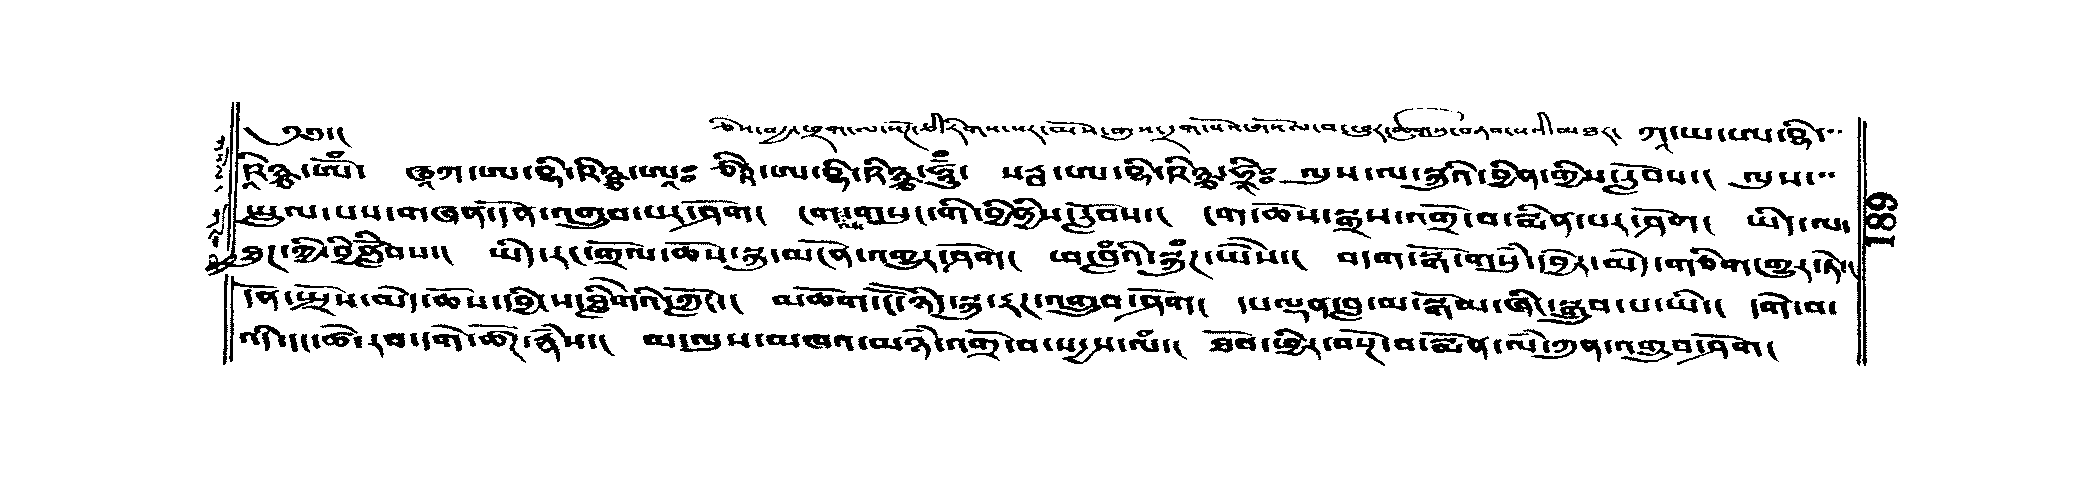ཞེས་བརྒྱ་ཕྲག་ལ་སོགས་ཅི་རིགས་པར་མོས་གུས་དྲག་པོས་གསོལ་བ་ཕུར་ཚུགས་སུ་བཏབ་པའི་མཐར། ཀཱ་ཡ་ཨ་བྷི་
རཱིཉྩ་ཨོཾ། ཝཱཀྐ་ཨ་བྷི་རིཉྩ་ཨཱཿ ཙིཏྟ་ཨ་བྷི་རིཉྩ་ཧཱུྃ། སརྦ་ཨ་བྷི་རིཉྩ་ཧྲཱིཿ ལུས་ལ་སྐུ་ཡི་བྱིན་གྱིས་རློབས། །ལུས་
སྤྲུལ་པས་གཞན་དོན་འགྲུབ་པར་ཤོག །ངག་ལ་གསུང་གི་བྱིན་གྱིས་རློབས། །ངག་ཆོས་སྒྲས་འགྲོ་བ་སྨིན་པར་ཤོག །ཡིད་ལ་
ཐུགས་ཀྱི་བྱིན་གྱིས་རློབས། །ཡིད་རང་གྲོལ་ཆོས་སྐུ་མངོན་འགྱུར་ཤོག །ཕ་བླ་མའི་སྐུ་གསུང་ཐུགས་ཡེ་ཤེས། །བདག་སྒོ་གསུམ་དབྱེར་མེད་གཅིག་གྱུར་ཏེ། །
དོན་སྤྲོས་མེད་ཆོས་དབྱིངས་ཐུགས་རྗེའི་ཀློང་། །མཆོག་ངོ་བོ་ཉིད་སྐུ་རྟག་འགྲུབ་ཤོག །དཔལ་ལྡན་བླ་མ་སྒོམ་ཞིང་སྒྲུབ་པ་ཡི། །དགེ་བ་
འདི་དང་ཚེ་རབས་དགེ་ཚོགས་རྣམས། །མ་ལུས་མཁའ་མཉམ་འགྲོ་བ་སངས་རྒྱས་ལམ། །ཐོབ་ཕྱིར་བསྔོ་བ་སྨོན་ལམ་ཀུན་འགྲུབ་ཤོག